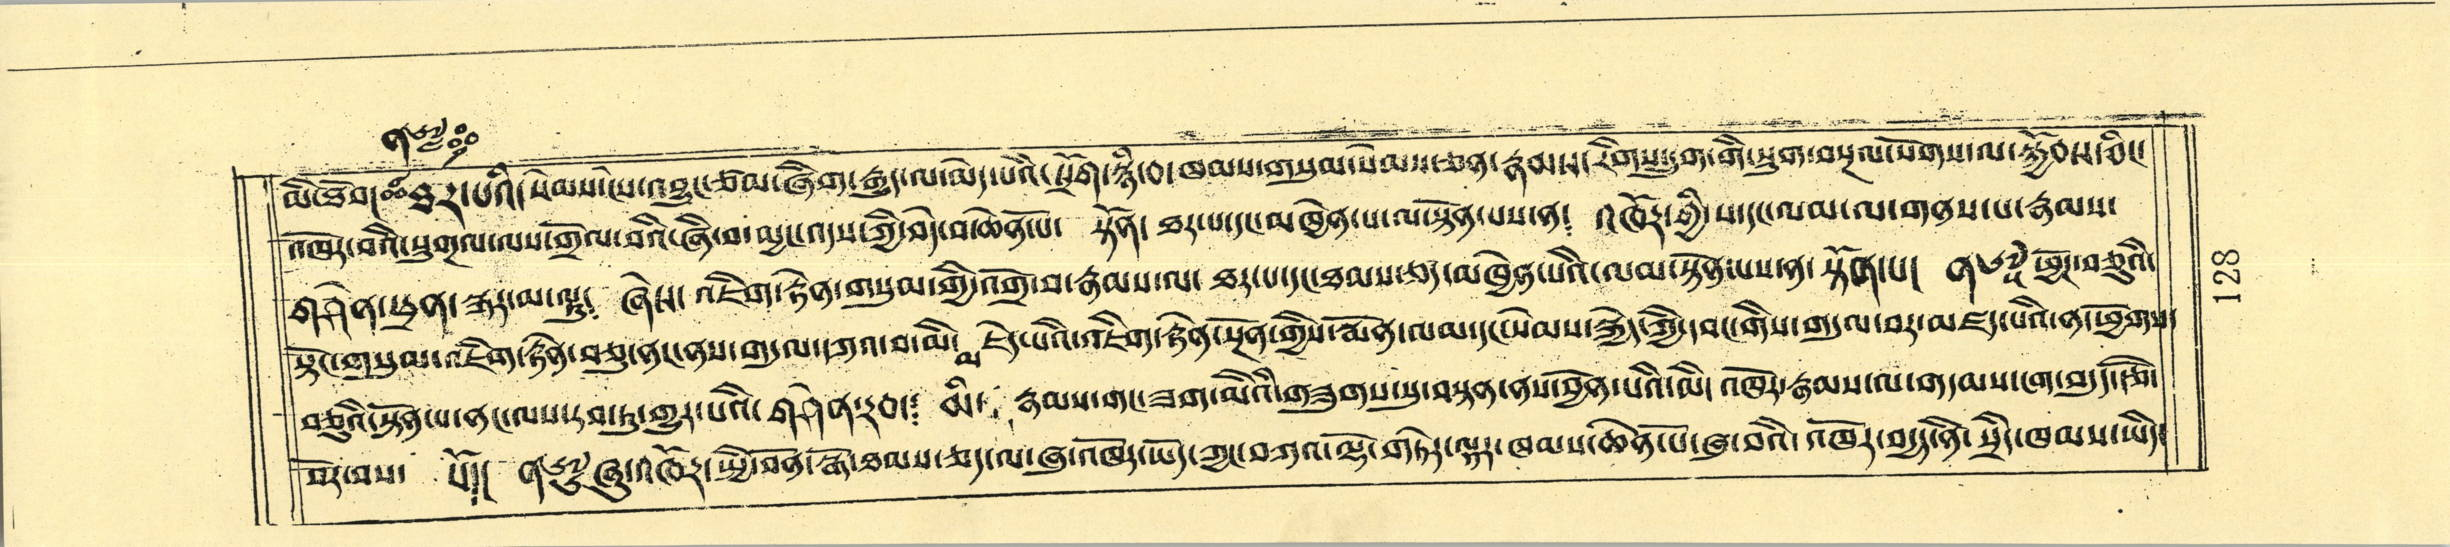མི་ཐོབ་ན༦༧།༤༼ཐར་པའི༽སེམས་ངེས་འབྱུང་ཙམ་ཞིག་རྒྱུད་ལ་མེད་པའི་༼སྙི་བ༽ཁམས་གསུམ་སེམས་ཅན་༼རྣམས༽རིགས་དྲུག་གི་སྡུག་བསྔལ་སོགས་ལ་༼སྐྱོབས་ཅིང
༽འཁོར་བའི་སྡུག་བསྔལ་ལས་གྲོལ་བའི་ཞི་བ་མྱང་འདས་ཀྱི་བདེ་བ་ཆེན་པོ་༼སྟོན་༽ཐར་པ་དང་ཐམས་ཅད་མཁྱེན་པ་ལ་སྟོན་པས་ན་༼སྟོན་པ༽ ན༦༧།༥ ཕྱོགས་བཅུའི་
སྟོང་གསུམ་འཇིག་རྟེན་བཅུ་ནང་ནས་གདུལ་དཀའ་བ་མི་མཇེད་པའི་འཇིག་རྟེན་སྔོན་གྱི་སྨོན་ལམ་དང་སེམས་བསྐྱེད་ཀྱི་དབང་གིས་གདུལ་བར་མཛད་པས་ན་ཕྱོགས་
བཅུའི་སྟོན་པ་ནང་ལས་རབ་ཏུ་གྱུར་པའི་༼གཤེན་རབ༽༼མི༽རྣམས་གང་ཟག་མིའི་གཟུགས་སུ་བསྟན་ནས་བྱོན་པའི་མི་འཁོར་རྣམས་ལ་གདམས་ངག་བདུད་རྩི་
བོར་བས་༼པོ༽ན༦༧།༦༼ཞུ་འཁོར༽སྤྱི་ཡི་བོན་སྒོ་ཐམས་ཅད་ལ་ཞུ་འཁོར་ཡོད་ཀྱང་བཀའ་ལྷོ་གཏེར་ལྟར་ཁམས་ཆེན་པོ་ཞུ་བའི་འཁོར་བརྒྱད་ནི་སྲིད་ཁམས་ཡིད་